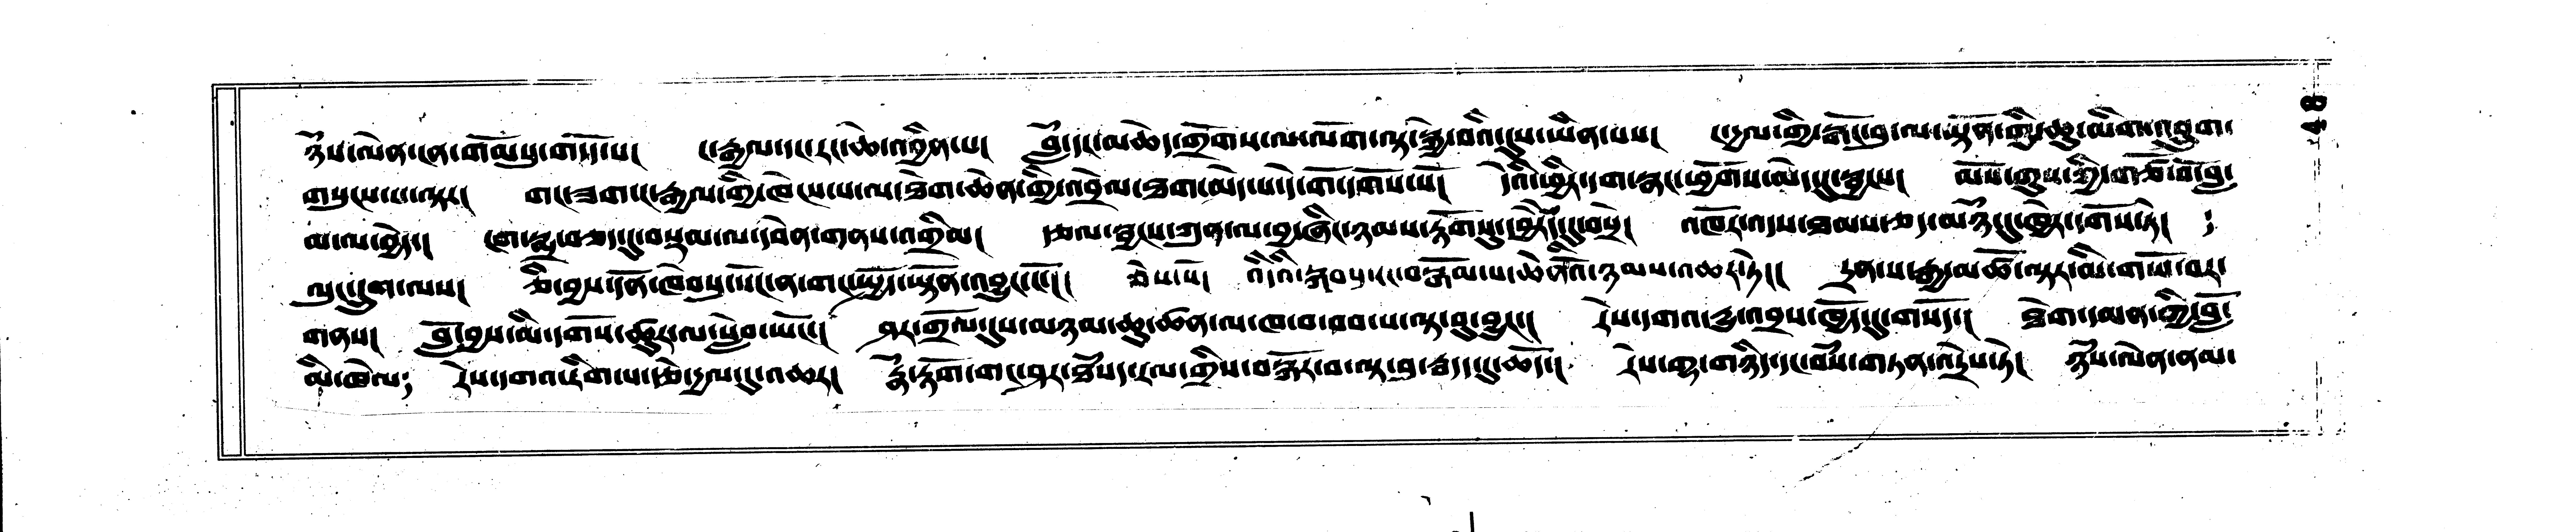ཉམས་ལེན་ངན་གོམས་སུ་སོང་བ། ང་རྒྱལ་དང་རང་ཆེ་འབྱིན་པ། བླ་མ་དང་མཆེད་གྲོགས་ལ་ལོག་ལྟ་སྐྱེ་བའི་དུས་ཡིན་པས། ང་རྒྱལ་གྱི་སྒོང་བུ་ལ་ཡོན་ཏན་གྱི་ཆུ་མི་འབྲུག་
གསུངས་པ་ལྟར། གང་ཟག་ང་རྒྱལ་གྱིས་ཁེངས་པ་ལ་ཐེག་ཆེན་གྱི་འབྲེལ་ཐག་མེད་པ་དེ་གོ་དགོས་སོ། །དེའི་ཕྱིར་དག་སྣང་ཕྱོགས་མེད་དུ་སྦྱངས། མོས་གུས་ཀྱི་གཙོ་བོ་བླ་
མ་ལ་བྱེད། ངག་སྨྲ་བཅད་དུ་བསྡམ་ལ་དབེན་གནས་འགྲིམས། རྩལ་སྦྱངས་ཀུན་ལ་བྱ་ཞིང་ཉམས་རྟོགས་སུ་དབྱེར་མེད་དུ་བསྲེ། འཁོར་འདས་ཐམས་ཅད་མཉམ་དུ་འཁྱེར་དགོས་ཏེ། 
ལུང་དྲུག་ལས། ཅི་བྱས་དོན་ཁེབས་སུ་སོང་ན་གང་སྤྱོད་ཡོན་ཏན་འབྱུང་ངོ་། །འདིའི་སྐབས་སུ་ངང་སྒོམ་ཆེན་པོའི་ཉམས་འཆར་ཏེ། དྲན་པ་རྒྱ་མཚོ་ལྟར་མི་གཡོ་བར་
གནས། བློ་བྱས་མི་དགོས་ཚུར་ལ་སླེབས་ཡོང་། ཤར་གྲོལ་དུས་མཉམ་ཆུ་ཚན་ལ་ཁ་བ་བབས་པ་ལྟ་བུ་འབྱུང་། རེས་འགའ་རྒྱུ་འབྲས་ཁྱད་དུ་གསོད། ཐེག་དམན་གྱི་བློ་
མི་ཁེལ། རེས་འགའ་རིག་པ་རྩེ་རྒྱལ་དུ་འཆར། རྣམ་རྟོག་གང་ཤར་ཐམས་ཅད་རལ་གྲིས་བསྐོར་བ་ལྟ་བུ་རྦད་རྦད་དུ་ཆོད། རེས་འགའ་གཉིད་དང་བསམ་གཏན་འདྲེས་ཏེ། ཉམས་ལེན་ནམ་